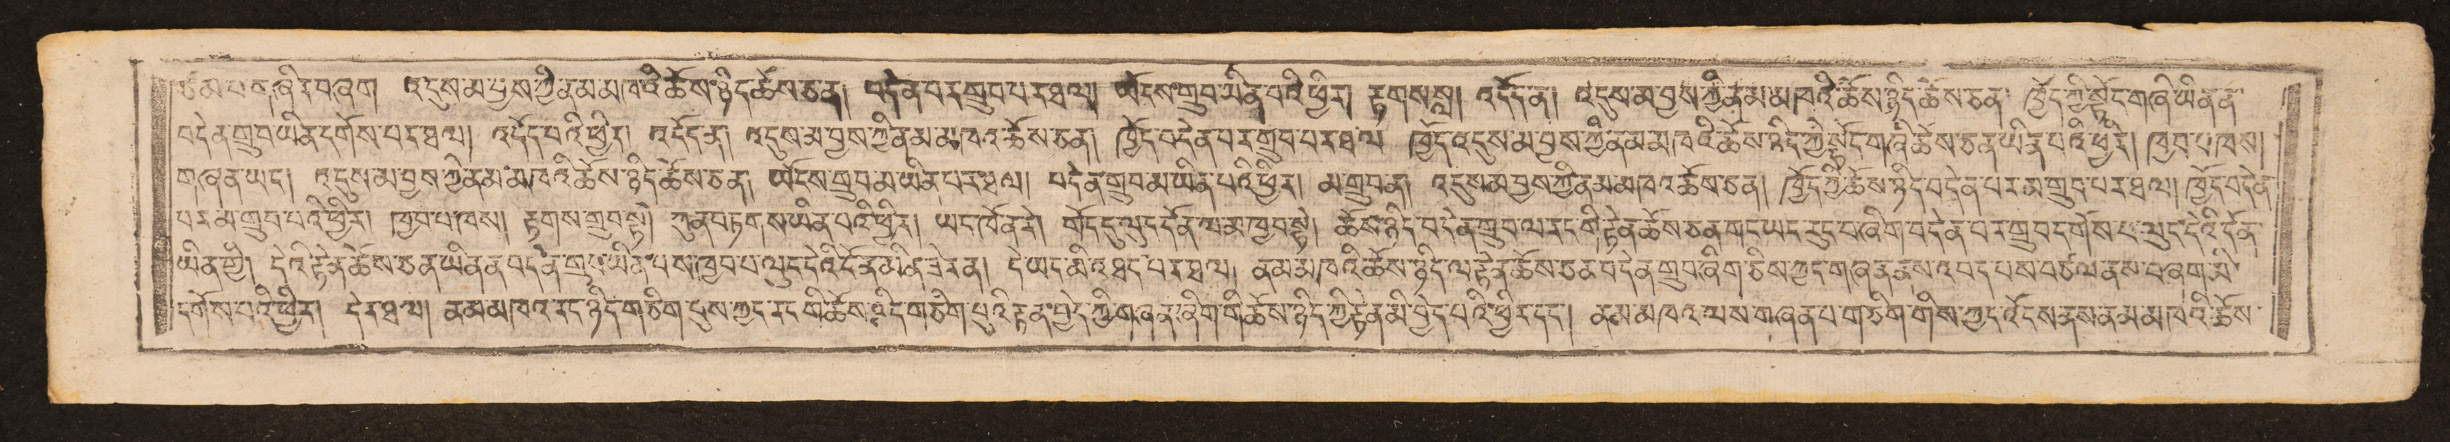ཙམ་པ་གཞིར་བཞག་འདུས་མ་བྱས་ཀྱི་ནམ་མཁའི་ཆོས་ཉིད་ཆོས་ཅན། བདེན་པར་གྲུབ་པར་ཐལ། ཡོངས་གྲུབ་ཡིན་པའི་ཕྱིར། རྟགས་སླ། འདོད་ན། འདུས་མ་བྱས་ཀྱི་ནམ་མཁའི་ཆོས་ཉིད་ཆོས་ཅན། ཁྱོད་ཀྱི་སྟོང་གཞི་ཡིན་ན་
བདེན་གྲུབ་ཡིན་དགོས་པར་ཐལ། འདོད་པའི་ཕྱིར། འདོད་ན། འདུས་མ་བྱས་ཀྱི་ནམ་མཁའ་ཆོས་ཅན། ཁྱོད་བདེན་པར་གྲུབ་པར་ཐལ། ཁྱོད་འདུས་མ་བྱས་ཀྱི་ནམ་མཁའི་ཆོས་ཉིད་ཀྱི་སྟོང་གཞི་ཆོས་ཅན་ཡིན་པའི་ཕྱིར། ཁྱབ་པ་ཁས།
གཞན་ཡང་། འདུས་མ་བྱས་ཀྱི་ནམ་མཁའི་ཆོས་ཉིད་ཆོས་ཅན། ཡོངས་གྲུབ་མ་ཡིན་པར་ཐལ། བདེན་གྲུབ་མ་ཡིན་པའི་ཕྱིར། མ་གྲུབ་ན། འདུས་མ་བྱས་ཀྱི་ནམ་མཁའ་ཆོས་ཅན། ཁྱོད་ཀྱི་ཆོས་ཉིད་བདེན་པར་མ་གྲུབ་པར་ཐལ། ཁྱོད་བདེན་
བར་མ་གྲུབ་པའི་ཕྱིར། ཁྱབ་པ་ཁས། རྟགས་གྲུབ་སྟེ། ཀུན་བཏགས་ཡིན་པའི་ཕྱིར། ཡང་ཁོ་ན་རེ། གོང་དུ་ལུང་དོན་ལ་མ་ཁྱབ་སྟེ། ཆོས་ཉིད་བདེན་གྲུབ་ལ་རང་གི་རྟེན་ཆོས་ཅན་གང་ཡང་རུང་བ་ཞིག་བདེན་པར་གྲུབ་དགོས་པ་ལུང་དེའི་དོན་
ཡིན་གྱི། དེའི་རྟེན་ཆོས་ཅན་ཡིན་ན་བདེན་གྲུབ་ཡིན་པས་ཁྱབ་པ་ལུང་དེའི་དོན་མིན་ཟེར་ན། དེ་ཡང་མི་འཐད་པར་ཐལ། ནམ་མཁའི་ཆོས་ཉིད་ལ་རྟེན་ཆོས་ཅན་བདེན་གྲུབ་ཞིག་ཅེས་ཀྱང་གཞན་ནས་འབད་པས་བཙལ་ནས་བཞག་མི་
དགོས་པའི་ཕྱིར། དེར་ཐལ། ནམ་མཁའ་རང་ཉིད་གཅིག་བུས་ཀྱང་རང་གི་ཆོས་འདི་གཅིག་པུའི་རྟན་བྱེད་ཀྱི་གཞན་ཞིག་གི་ཆོས་ཉིད་ཀྱི་རྟེན་མི་བྱེད་པའི་ཕྱིར་དང་། ནམ་མཁའ་ལས་གཞན་པ་གཅིག་གིས་ཀྱང་འོངས་ནས་ནམ་མཁའི་ཆོས་